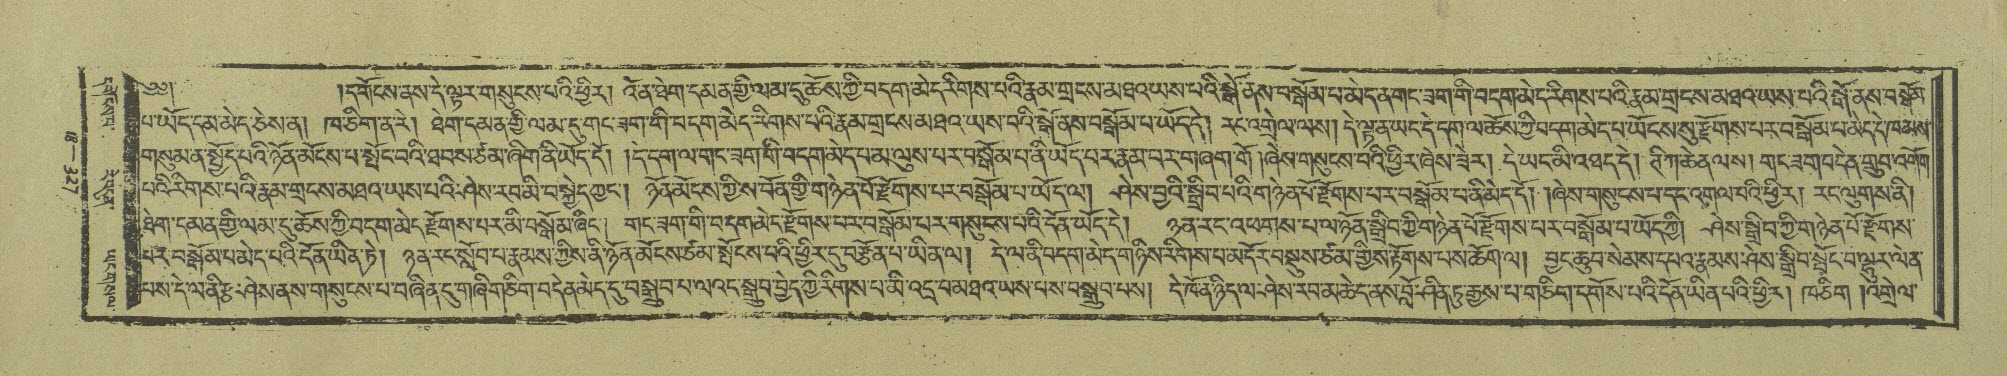༄༅། །དགོངས་ནས་དེ་ལྟར་གསུངས་པའི་ཕྱིར། འོ་ན་ཐེག་དམན་གྱི་ལམ་དུ་ཆོས་ཀྱི་བདག་མེད་རིགས་པའི་རྣམ་གྲངས་མཐའ་ཡས་པའི་སྒོ་ནས་བསྒོམ་པ་མེད་ན་གང་ཟག་གི་བདག་མེད་རིགས་པའི་རྣམ་གྲངས་མཐའ་ཡས་པའི་སྒོ་ནས་བསྒོམ་
པ་ཡོད་དམ་མེད་ཅེས་ན། ཁ་ཅིག་ན་རེ། ཐེག་དམན་གྱི་ལམ་དུ་གང་ཟག་གི་བདག་མེད་རིགས་པའི་རྣམ་གྲངས་མཐའ་ཡས་པའི་སྒོ་ནས་བསྒོམ་པ་ཡོད་དེ། རང་འགྲེལ་ལས། དེ་ལྟ་ན་ཡང་དེ་དག་ལ་ཆོས་ཀྱི་བདག་མེད་པ་ཡོངས་སུ་རྫོགས་པར་བསྒོམ་པ་མེད་དེ་ཁམས་
གསུམ་ན་སྤྱོད་པའི་ཉོན་མོངས་པ་སྤོང་བའི་ཐབས་ཙམ་ཞིག་ནི་ཡོད་དོ། །དེ་དག་ལ་གང་ཟག་གི་བདག་མེད་པ་མ་ལུས་པར་བསྒོམ་པ་ནི་ཡོད་པར་རྣམ་པར་གཞག་གོ །ཞེས་གསུངས་པའི་ཕྱིར་ཞེས་ཟེར། དེ་ཡང་མི་འཐད་དེ། ཊིཀ་ཆེན་ལས། གང་ཟག་བདེན་གྲུབ་འགོག་
པའི་རིགས་པའི་རྣམ་གྲངས་མཐའ་ཡས་པའི་ཤེས་རབ་མི་བསྐྱེད་ཀྱང་། ཉོན་མོངས་ཀྱི་ས་བོན་གྱི་གཉེན་པོ་རྫོགས་པར་བསྒོམ་པ་ཡོད་ལ། ཤེས་བྱའི་སྒྲིབ་པའི་གཉེན་པོ་རྫོགས་པར་བསྒོམ་པ་ནི་མེད་དོ། །ཞེས་གསུངས་པ་དང་འགལ་བའི་ཕྱིར། རང་ལུགས་ནི།
ཐེག་དམན་གྱི་ལམ་དུ་ཆོས་ཀྱི་བདག་མེད་རྫོགས་པར་མི་བསྒོམ་ཞིང་། གང་ཟག་གི་བདག་མེད་རྫོགས་པར་བསྒོམ་པར་གསུངས་པའི་དོན་ཡོད་དེ། ཉན་རང་འཕགས་པ་ལ་ཉོན་སྒྲིབ་ཀྱི་གཉེན་པོ་རྫོགས་པར་བསྒོམ་པ་ཡོད་ཀྱི། ཤེས་སྒྲིབ་ཀྱི་གཉེན་པོ་རྫོགས་
པར་བསྒོམ་པ་མེད་པའི་དོན་ཡིན་ཏེ། ཉན་རང་སློབ་པ་རྣམས་ཀྱིས་ནི་ཉོན་མོངས་ཙམ་སྤོངས་པའི་ཕྱིར་དུ་བརྩོན་པ་ཡིན་ལ། དེ་ལ་ནི་བདག་མེད་གཉིས་རིགས་པ་མདོར་བསྡུས་ཙམ་གྱིས་རྟོགས་པས་ཆོག་ལ། བྱང་ཆུབ་སེམས་དཔའ་རྣམས་ཤེས་སྒྲིབ་སྤོང་བ་ལྷུར་ལེན་
པས་དེ་ལ་ནི་རྩ་ཤེས་ནས་གསུངས་པ་བཞིན་དུ་གཞི་གཅིག་བདེན་མེད་དུ་བསྒྲུབ་པ་ལའང་སྒྲུབ་བྱེད་ཀྱི་རིགས་པ་མི་འདྲ་བ་མཐའ་ཡས་པས་བསྒྲུབ་པས། དེ་ཁོ་ན་ཉིད་ལ་ཤེས་རབ་མཆེད་ནས་བློ་ཤིན་ཏུ་རྒྱས་པ་གཅིག་དགོས་པའི་དོན་ཡིན་པའི་ཕྱིར། ཁ་ཅིག །འགྲེལ་